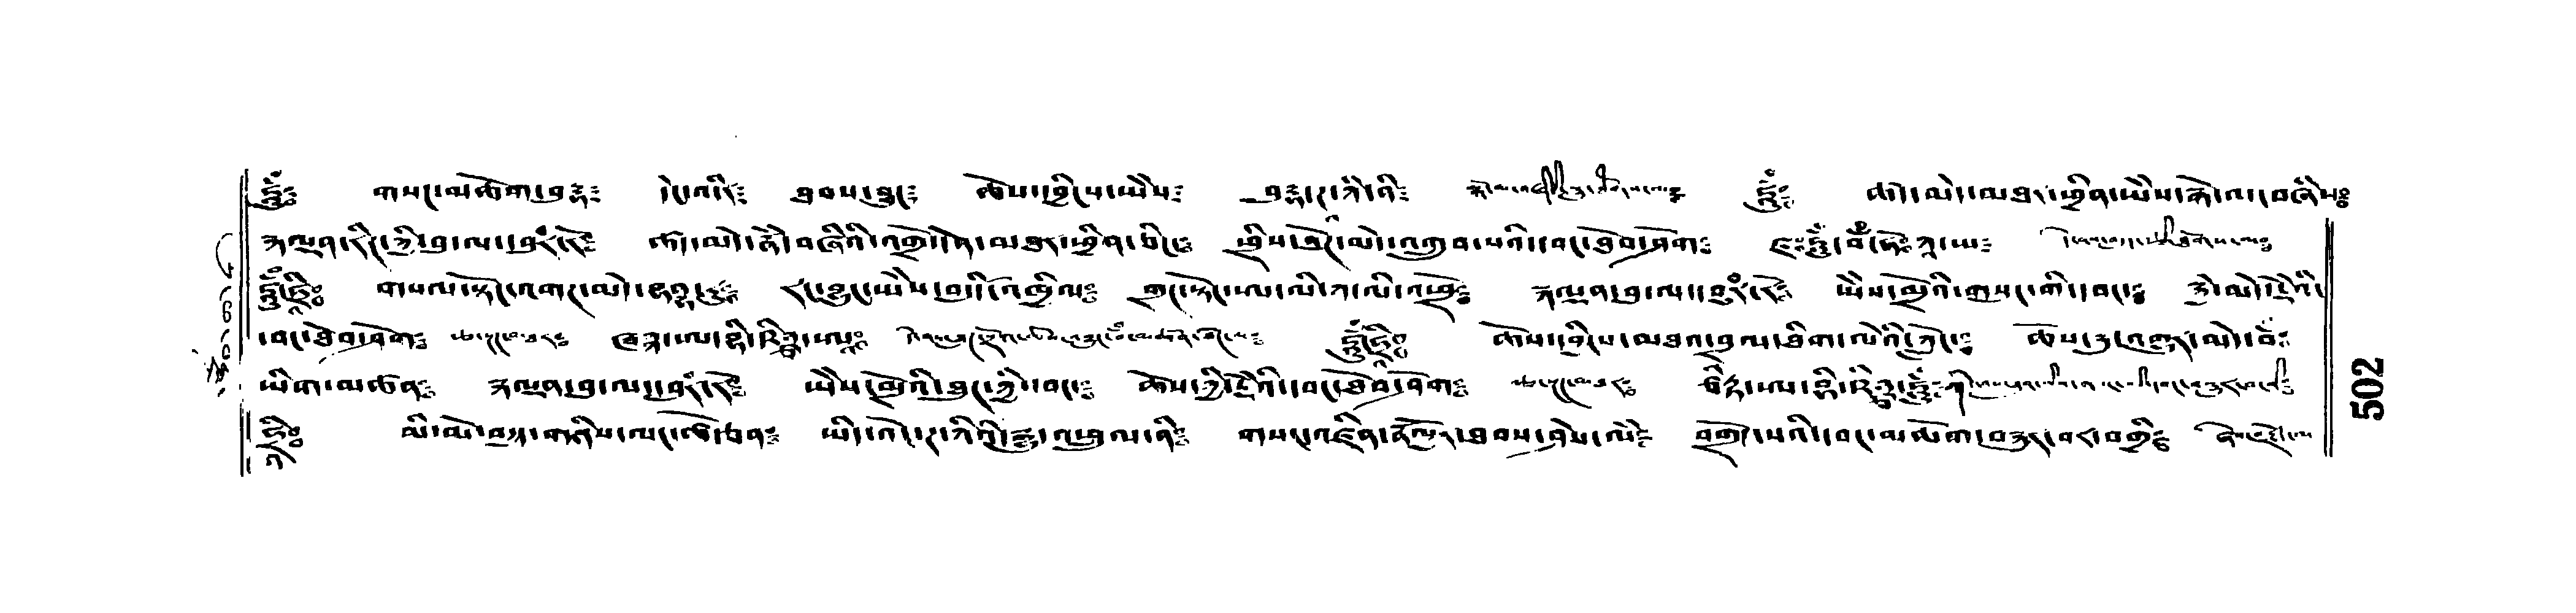ཧཱུྃ༔ གསང་མཆོག་བུདྡྷ༴ དེང་འདིར༴ ཐབས་བྱུང༴ ཆོས་དབྱིངས་ཡེ་ཤེས༴ བུདྡྷ་ཌཱ་ཀི་ནི༴ སྒོ་མ་བཞིའི་སྐུ་ཐོགས་ལ༔ ཧཱུྃ༔ ཚད་མེད་མཐར་ཕྱིན་ཡེ་ཤེས་སྒོ་མ་བཞིས༔ 
སྐལ་ལྡན་རིགས་ཀྱི་བུ་ལ་དབང་བསྐུར་རོ༔ ཚད་མེད་རྣམ་བཞིའི་འགྲོ་དོན་མཐར་ཕྱིན་ཅིང༔ ཕྲིན་ལས་ཐོགས་མེད་འགྲུབ་པའི་དབང་ཐོབ་ཤོག༔ ཛཿཧཱུྃ་བྃ་ཧོཿཀཱ་ཡ༴ དེ་ནས་བདུད་རྩི་ཐོགས་ལ༔ 
ཧཱུྃ་ཧྲཱིཿ གསལ་སྟོང་འགགས་མེད་བྷནྡྷ་རུ༔རང་བྱུང་ཡེ་ཤེས་བདུད་རྩི་འཁྱིལ༔ གྲགས་སྟོང་ཨ་ལི་ཀ་ལི་འཕྲོ༔ སྐལ་ལྡན་བུ་ལ་དབང་བསྐུར་རོ༔ ཡེ་ཤེས་མཁའ་འགྲོའི་གསུང་གི་དབང༔ སྐྱེ་མེད་རྡོ་རྗེའི་
དབང་ཐོབ་ཤོག༔ རྩ་སྔགས་མཐར༔ ཝཀྐ་ཨ་བྷི་རིཉྩ་ཨཱཿ དེ་ནས་ཐུགས་སྲོག་ཆོས་འབྱུང་བྃ་མཚན་ཐོགས་ལ༔ ཧཱུྃ་ཧྲཱིཿ ཆོས་དབྱིངས་མཐའ་བྲལ་ཐིག་ལེའི་ཀློང༔ ཆོས་སྐུ་འགྱུར་མེད་བྃ་
ཡིག་མཚན༔ སྐལ་ལྡན་བུ་ལ་དབང་བསྐུར་རོ༔ ཡེ་ཤེས་མཁའ་འགྲོའི་ཐུགས་ཀྱི་དབང༔ ཆོས་ཀྱི་རྡོ་རྗེའི་དབང་ཐོབ་ཤོག༔ རྩ་སྔགས་མཐར༔ ཙིཏྟ་ཨ་བྷི་རིཉྩ་ཧཱུྃ༔ དེ་ནས་བས་ཐུན་མིན་གསང་བའི་དབང་བསྐུར་བ་ནི༔ 
ཧྲཱིཿ མི་མོ་བརྒྱད་གཉིས་ལང་ཚོ་ཅན༔ ཡིད་འོང་ཌ་ཀིའྀ་སྒྱུ་འཕྲུལ་ནི༔ གསང་འཛིན་རྣལ་འབྱོར་ཐབས་ཤེས་ལམ༔ བགྲོད་པའི་དབང་མཆོག་བསྐུར་བར་བགྱི༔ ཞེས་བརྗོད་ལ་